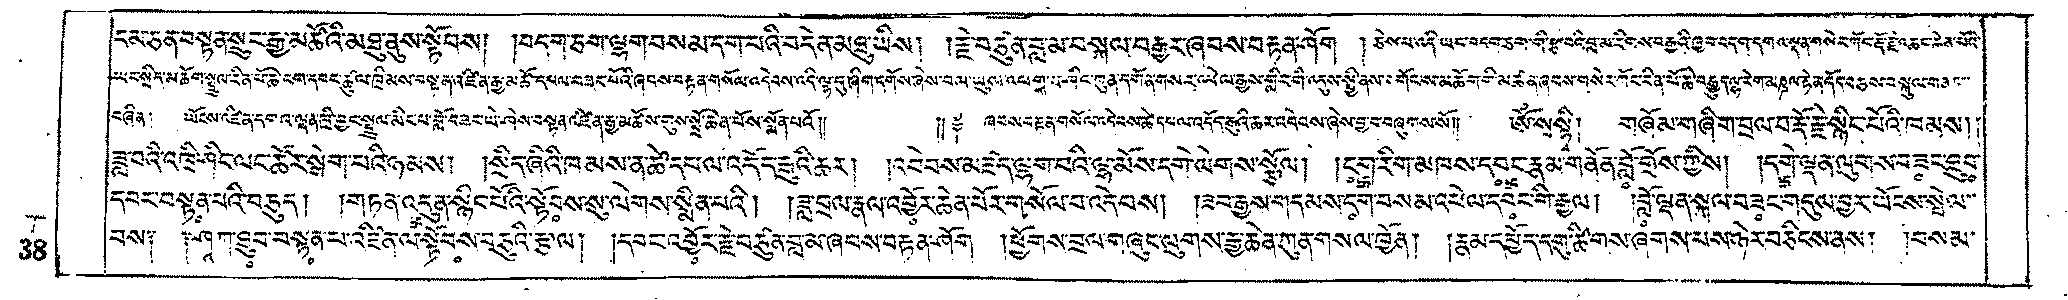དམ་ཅན་བསྟན་སྲུང་རྒྱ་མཚོའི་མཐུ་ནུས་སྟོབས། །བདག་ཅག་ལྷག་བསམ་དག་པའི་བདེན་མཐུ་ཡིས། །རྗེ་བཙུན་བླ་མ་བསྐལ་བརྒྱར་ཞབས་བརྟན་ཤོག །ཅེས་པ་འདི་ཡང་བདག་ཅག་གི་རྩ་བའི་བླ་མ་རིགས་བརྒྱའི་ཁྱབ་བདག་དགའ་ལྡན་སེར་ཀོང་རྡོ་རྗེ་འཆང་ཆེན་པོའི་
ཡང་སྲིད་མཆོག་སྤྲུལ་རིན་པོ་ཆེ་ངག་དབང་ཚུལ་ཁྲིམས་བསྟན་འཛིན་རྒྱ་མཚོ་དཔལ་བཟང་པོའི་ཞབས་གསོལ་འདེབས་འདི་ལྟ་བུ་ཞིག་དགོས་ཞེས་བལ་ཡུལ་འཕགས་པ་ཤིང་ཀུན་དགོན་གསར་འཕེལ་རྒྱས་གླིང་གི་འདུས་སྤྱི་ནས་འགོང་ས་མཆོག་གི་མཚན་ཞབས་གསེར་ཀོང་རིན་པོ་ཆེ་བརྒྱུད་ལྷ་རེག་མཎྜལ་རྟེན་དོད་བཅས་བསྐུལ་གནང་་་
བཞིན། ཡོངས་འཛིན་དགའ་ལྡན་ཁྲི་བྱང་སྤྲུལ་མིང་པ་བློ་བཟང་ཡེ་ཤེས་བསྟན་འཛིན་རྒྱ་མཚོས་གུས་སྤྲོ་ཆེན་པོས་སྨོན་པའོ།། །། འ་ཞབས་བརྟན་གསོལ་འདེབས་ཚེ་དཔལ་འདོད་རྒུའི་ཆར་འབེབས་ཞེས་བྱ་བ་བཞུགས་སོ།། ཨོཾ་སྭསྟྭི། གཞོམ་གཞིག་བྲལ་བ་རྡོ་རྗེ་སྙིང་པོའི་ཁམས། །
ཟླ་བའི་འཁྲི་ཤིང་ལང་ཚོར་སྒེག་པའི་ཉམས། །སྲིད་ཞིའི་ཁམས་ན་ཚེ་དཔལ་འདོད་རྒུའི་ཆར། །འབེབས་མཛད་ལྷག་པའི་ལྷ་མོས་དགེ་ལེགས་སྩོལ། །ངག་རིག་མཁས་དབང་རྣམ་གནོན་བློ་གྲོས་ཀྱིས། །དགེ་ལྡན་ལུགས་བཟང་ཐུབ་
དབང་བསྟན་པའི་བཅུད། །གཏན་འདུན་སྙིང་པོའི་སྟོབས་སུ་ལེགས་སྨིན་པའི། །ཟླ་བྲལ་རྣལ་འབྱོར་ཆེན་པོར་གསོལ་བ་འདེབས། །ཟབ་རྒྱས་གདམས་ངག་བསམ་འཕེལ་དབང་གི་རྒྱལ། །བློ་ལྡན་སྐལ་བཟང་གདུལ་བྱར་ཡོངས་སྤེལ་་་
བས༑ ༑ཤཱཀ་ཐུབ་བསྟན་པ་འཛིན་ལ་སྟོབས་བཅུའི་རྩལ། །དབང་འབྱོར་རྗེ་བཙུན་བླ་མ་ཞབས་བརྟན་ཤོག །ཕྱོགས་བྲལ་གཞུང་ལུགས་རྒྱ་ཆེན་ཀུན་གསལ་ཁྱོན། །རྣམ་དཔྱོད་དགུ་ཚིགས་ཞགས་པས་ཉེར་བཅིངས་ནས། །བསམ་